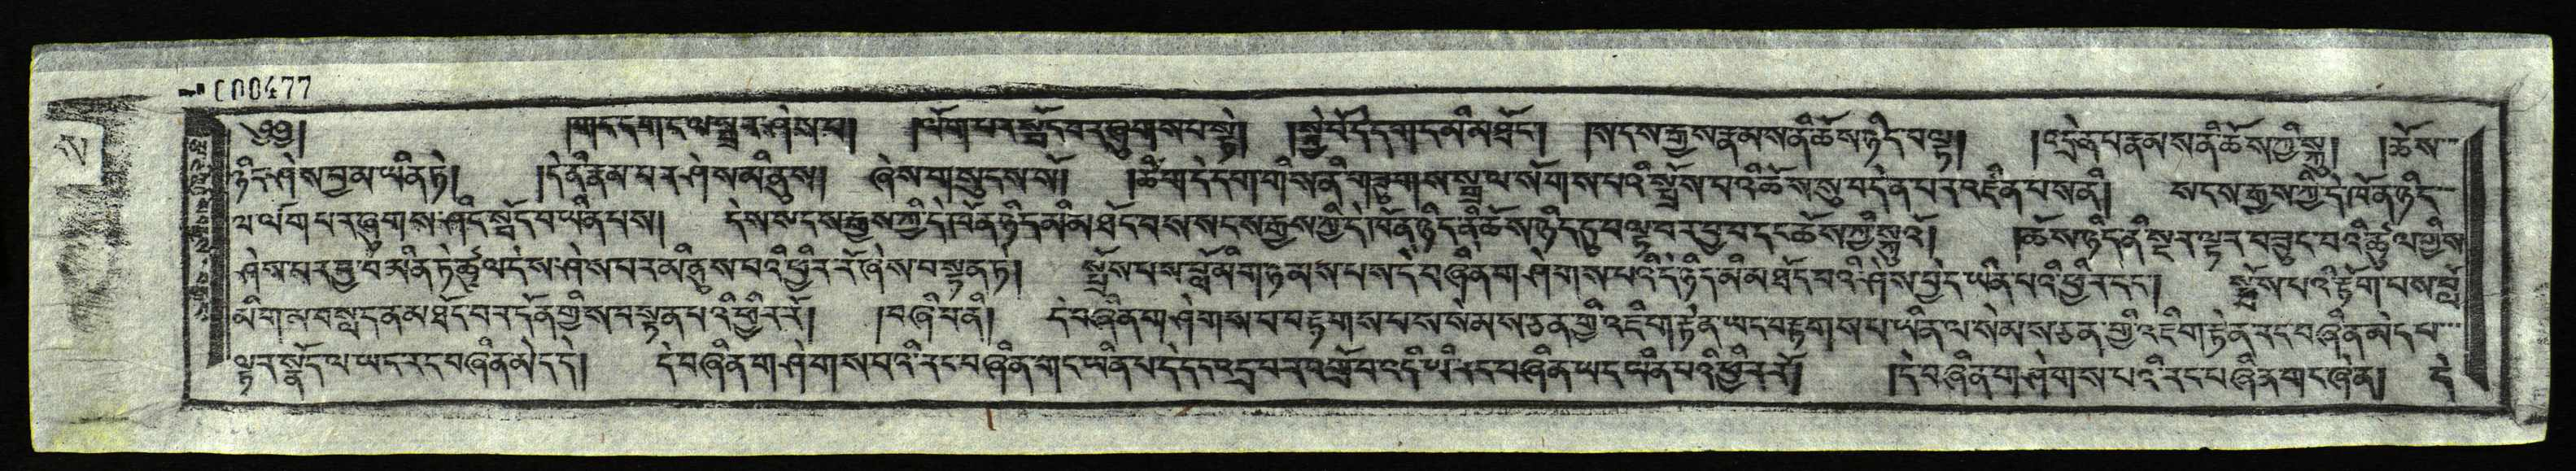༄༅། །གང་དག་ང་ལ་སྒྲར་ཤེས་པ། །ལོག་པར་སྤོང་བར་ཞུགས་པ་སྟེ། །སྐྱེ་བོ་དེ་དག་ང་མི་མཐོང་། །སངས་རྒྱས་རྣམས་ནི་ཆོས་ཉིད་བལྟ། །འདྲེན་པ་རྣམས་ནི་ཆོས་ཀྱི་སྐུ། །ཆོས་
ཉིད་ཤེས་བྱ་མ་ཡིན་ཏེ། །དེ་ནི་རྣམ་པར་ཤེས་མི་ནུས། ཞེས་གསུངས་སོ། །ཚིག་དེ་དག་གིས་ནི་གཟུགས་སྒྲ་ལ་སོགས་པའི་སྤྲོས་པའི་ཆོས་སུ་བདེན་པར་འཛིན་པས་ནི། སངས་རྒྱས་ཀྱི་དེ་ཁོ་ན་ཉིད་
ལ་ལོག་པར་ཞུགས་ཤིང་སྤོང་བ་ཡིན་པས། དེས་སངས་རྒྱས་ཀྱི་དེ་ཁོ་ན་ཉིད་མི་མཐོང་བས་སངས་རྒྱས་ཀྱི་དེ་ཁོ་ན་ཉིད་ནི་ཆོས་ཉིད་དུ་བལྟ་བར་བྱ་བ་དང་ཆོས་ཀྱི་སྐུའོ། །ཆོས་ཉིད་ནི་སྔར་ལྟར་བཟུང་བའི་ཚུལ་གྱིས་
ཤེས་པར་བྱ་བ་མིན་ཏེ་ཚུལ་དེས་ཤེས་པར་མི་ནུས་པའི་ཕྱིར་རོ་ཞེས་བསྟན་ཏེ། སྤྲོས་པས་བློ་མིག་ཉམས་པས་དེ་བཞིན་གཤེགས་པའི་དེ་ཉིད་མི་མཐོང་བའི་ཤེས་བྱེད་ཡིན་པའི་ཕྱིར་དང་། སྤྲོས་པའི་རྟོག་པས་བློ་
མིག་མ་བསླད་ན་མཐོང་བར་དོན་གྱིས་བསྟན་པའི་ཕྱིར་རོ། །བཞི་པ་ནི། དེ་བཞིན་གཤེགས་པ་བརྟགས་པས་སེམས་ཅན་གྱི་འཇིག་རྟེན་ཡང་བརྟགས་པ་ཡིན་ལ་སེམས་ཅན་གྱི་འཇིག་རྟེན་རང་བཞིན་མེད་པ་
ལྟར་སྣོད་ལ་ཡང་རང་བཞིན་མེད་དེ། དེ་བཞིན་གཤེགས་པའི་རང་བཞིན་གང་ཡིན་པ་དེ་དང་འདྲ་བར་འགྲོ་བ་འདི་ཡི་རང་བཞིན་ཡང་ཡིན་པའི་ཕྱིར་རོ། །དེ་བཞིན་གཤེགས་པའི་རང་བཞིན་གང་ཞེ་ན། དེ་